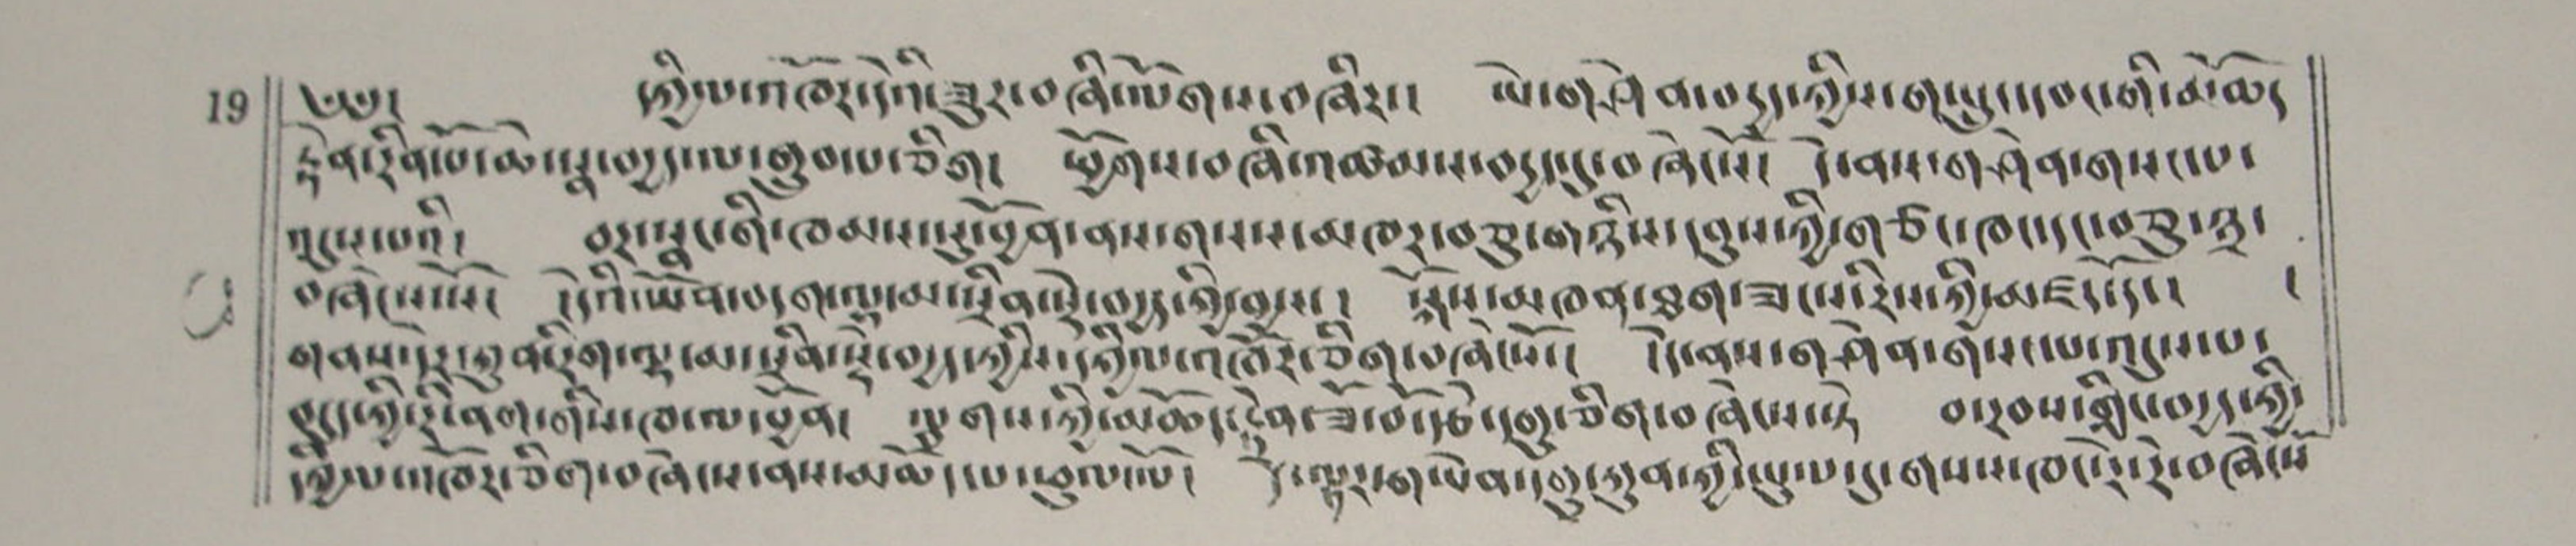༄༅། །དཀྱིལ་འཁོར་དེའི་ཟུར་བཞི་ལོག་བཞིར། ཡེ་གཤེན་བརྒྱད་ཀྱི་གཡུང་དྲུང་དབང་གི་མཆོད་
རྟེན་རིན་པོ་ཆེ་སྣ་བརྒྱད་ལས་གྲུབ་པ་ཞིག ཕྱོགས་བཞི་མཚམས་བརྒྱད་དུ་བཞེངས་སོ། །དེ་ནས་གཤེན་གསང་བ་
འདུས་པ་པའི། བར་སྣང་གི་ཁམས་སུ་བྱོན་ནས་གསས་མཁར་བཅུ་གཉིས་དབུས་ཀྱི་གཙང་ཁང་དང་བཅུ་གསུམ་
བཞེངས་སོ། །དེའི་ཡོན་བདག་ལྷ་མ་སྲིན་སྡེ་བརྒྱད་ཀྱིས་བྱས། །སྐོས་མཁན་ཐང་བཟང་རང་སྐྱེས་ཀྱིས་མཛད་དོ། །
གནས་དེར་ཀུན་རིག་ལྷ་མ་སྲིན་སྡེ་བརྒྱད་ཀྱིས་དཀྱིལ་འཁོར་ཅིག་བཞེངས་སོ། །དེ་ནས་གཤེན་གསང་བ་འདུས་པ་
བདུད་ཀྱི་རི་ནག་གི་ཁ་ལ་བྱོན། ལྕགས་ཀྱི་མཆོད་རྟེན་བཟོ་བོ་རྩེ་དགུ་ཅིག་བཞེངས་ཏེ། བ་རབ་གླིང་བརྒྱད་ཀྱི་
དཀྱིལ་འཁོར་ཅིག་བཞེངས་ནས་མཆོད་པ་ཕུལ་ལོ། །དེ་ལྟར་གཡེན་དགུ་ཀུན་ཀྱི་ཡུལ་དུ་གསས་ཁང་རེ་རེ་བཞེངས་སོ།